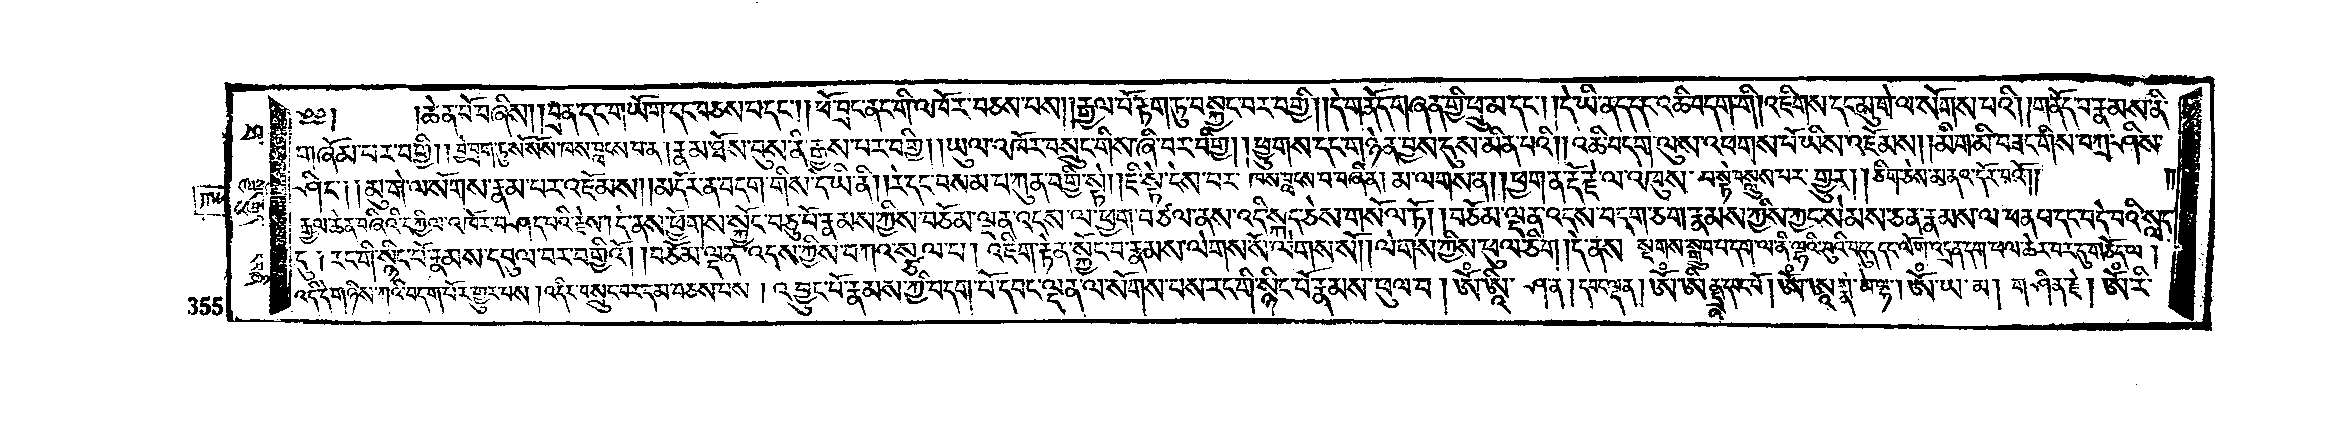༄༅། །ཆེན་པོ་བཞིས། །བྲན་དང་གཡོག་དང་བཅས་པ་དང་། །ཕོ་བྲང་ནང་གི་འཁོར་བཅས་པས། །རྒྱལ་པོ་རྟག་ཏུ་བསྐྱང་བར་བགྱི། །དེ་གནོད་གཞན་གྱི་ཕྲུ་མ་དང་། །དེ་ཡི་ནད་དང་འཆི་བདག་གི། འཇིགས་དང་མུ་གེ་ལ་སོགས་པའི། །གནོད་པ་རྣམས་ནི་
གཞོམ་པར་བགྱི། ། བྱེ་བྲག་ཏུ་སོ་སོས་ཁས་བླངས་པ་ནི་།རྣམ་ཐོས་བུས་ནི་རྒྱས་པར་བགྱི། །ཡུལ་འཁོར་བསྲུང་གིས་ཞི་བར་བགྱི། །ཕྱུགས་དང་གཉེན་བྱས་དུས་མིན་པའི། །འཆི་བདག་ལུས་འཕགས་པོ་ཡིས་འཇོམས། །མིག་གི་བཟང་གིས་བཀྲ་ཤིས་
ཤིང་། །མུ་གེ་ལ་སོགས་རྣམ་པར་འཇོམས། །མདོར་ན་བདག་གིས་དེ་ཡི་ནི། །རེ་དང་བསམ་པ་ཀུན་བགྱི་སྟེ། །ཇི་སྟེ་ངེས་པར་ཁས་བླངས་པ་བཞིན།  མ་ལགས་ན། །ཕྱག་ན་རྡོ་རྗེ་ལ་འཁུས་པ་སྟེ་བསླུས་པར་གྱུར། །ཅིག་ཅེས་མནའ་དོར་བའོ།། །།
རྒྱལ་ཆེན་བཞིའི་དཀྱིལ་འཁོར་བཤད་པའི་རྗེས། དེ་ནས་ཕྱོགས་སྐྱོང་བཅུ་པོ་རྣམས་ཀྱིས་བཅོམ་ལྡན་འདས་ལ་ཕྱག་བཙལ་ནས་འདི་སྐད་ཅེས་གསོལ་ཏོ། །བཅོམ་ལྡན་འདས་བདག་ཅག་རྣམས་ཀྱིས་ཀྱང་སེམས་ཅན་རྣམས་ལ་ཕན་པ་དང་བདེ་བའི་སླད་
དུ། རང་གི་སྙིང་པོ་རྣམས་དབུལ་བར་བགྱིའོ། །བཅོམ་ལྡན་འདས་ཀྱིས་བཀའ་སྩལ་བ། འཇིག་རྟེན་སྐྱོང་བ་རྣམས་ལེགས་སོ་ལེགས་སོ། །ལེགས་ཀྱིས་ཕུལ་ཅིག །དེ་ནས། སྔགས་སྒྲུབ་པ་དག་ལ་ནི་ལྷའི་བུའི་བདུད་དང་ལོག་འདྲེན་དག་ཕལ་ཆེར་བར་དུ་གཅོད་ལ།
འདི་དེ་གཉིས་ཀའི་བདག་པོར་གྱུར་པས། འདིར་བསྲུང་བར་དམ་བཅས་པས། འབྱུང་པོ་རྣམས་ཀྱི་བདག་པོ་དབང་ལྡན་ལ་སོགས་པས་རང་གི་སྙིང་པོ་རྣམས་ཕུལ་བ། ཨོཾ་ཨཱི་ཤ་ན། དབང་ལྡན།  ཨོཾ་ཨིནྡྲཱ་དབང་པོ། ཨོཾ་ཨཱགནེ་མེ་ལྷ། ཨོཾ་ཡ་མ། གཤིན་རྗེ། ཨོཾ་རི་